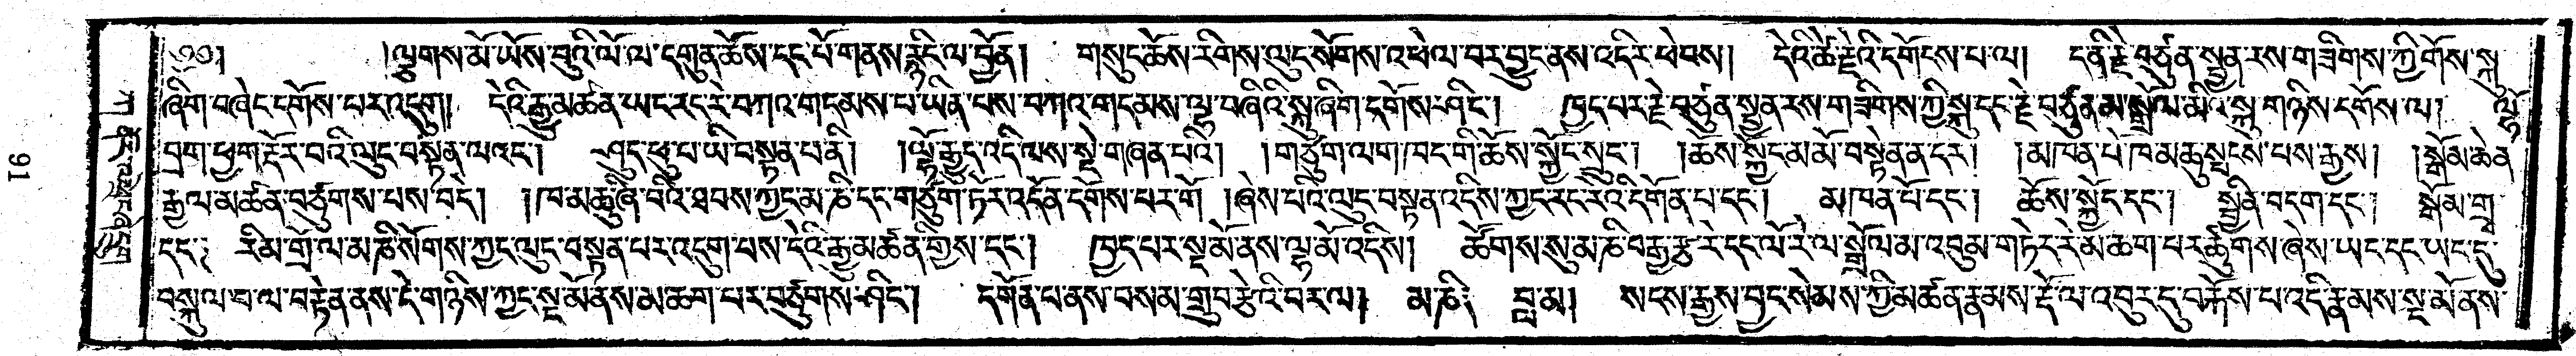༄༅། །ལྕགས་མོ་ཡོས་བུའི་ལོ་ལ་དགུན་ཆོས་དང་པོ་གནས་རྙིང་ལ་བྱོན། གསུང་ཆོས་རིགས་ལུང་སོགས་འཕེལ་བར་བྱུང་ནས་འདིར་ཕེབས། དེའི་ཚེ་རྗེའི་དགོངས་པ་ལ། ད་ནི་རྗེ་བཙུན་སྦྱན་རས་གཟིགས་ཀྱི་གོས་སྐུ་
ཞིག་བཞེང་དགོས་པར་འདུག། དེའི་རྒྱུ་མཚན་ཡང་རང་རེ་བཀའ་གདམས་པ་ཡིན་པས་བཀའ་གདམས་ལྷ་བཞིའི་སྐུ་ཞིག་དགོས་ཤིང་། ཁྱད་པར་རྗེ་བཙུན་སྤྱན་རས་གཟིགས་ཀྱི་སྐུ་དང་རྗེ་བཙུན་མ་སྒྲོལ་མའི་སྐུ་གཉིས་དགོས་ལ། ལྷོ་
བྲག་ཕྱག་རྡོར་བའི་ལུང་བསྟན་ལའང་། ཤུད་ཕུ་པ་ཡི་བསྟན་པ་ནི། །ལྷོ་རྒྱུད་འདི་ལས་སྡེ་གཞན་པའི། །གཙུག་ལག་ཁང་གི་ཆོས་སྐྱོང་སྲུང་། །ཆོས་སྐྱོང་མ་མོ་བསྟེན་ན་དར། །མཁན་པོ་ཁ་མཆུ་སྤངས་པས་རྒྱས། །སྒོམ་ཆེན་
རྒྱལ་མཚན་བཙུགས་པས་བདེ། །ཁ་མཆུ་ཞི་བའི་ཐབས་ཀྱང་མ་ཎི་དང་གཙུག་ཏོར་འདོན་དགོས་པར་གོ །ཞེས་པའི་ལུང་བསྟན་འདིས་ཀྱང་རང་རེའི་དགོན་པ་དང་། མཁན་པོ་དང་། ཆོས་སྐྱོང་དང་། སྦྱིན་བདག་དང་། སྒོམ་གྲྭ་
དང༑ རིམ་གྲོ་ལ་མ་ཎི་སོགས་ཀྱང་ལུང་བསྟན་པར་འདུག་པས་དེའི་རྒྱུ་མཚན་གྱིས་དང་། ཁྱད་པར་སྔ་མོ་ནས་ལྷ་མོ་འདིས། ཚོགས་སུ་མ་ཎི་བརྒྱ་རྩ་རེ་དང་ལོ་རེ་ལ་སྒྲོལ་མ་འབུམ་གཏེར་རེ་མ་ཆག་པར་ཚུགས་ཞེས་ཡང་དང་ཡང་དུ་
བསྐུལ་བ་ལ་བརྟེན་ནས་དེ་གཉིས་ཀྱང་སྔ་མོ་ནས་མ་ཆག་པར་བཙུགས་ཤིང་། དགོན་པ་ནས་བསམ་གྲུབ་རྩེའི་བར་ལ། མ་ཎི༑ བླ་མ། སངས་རྒྱས་བྱང་སེམས་ཀྱི་མཚན་རྣམས་རྡོ་ལ་འབུར་དུ་བརྐོས་པ་འདི་རྣམས་སྔ་མོ་ནས་